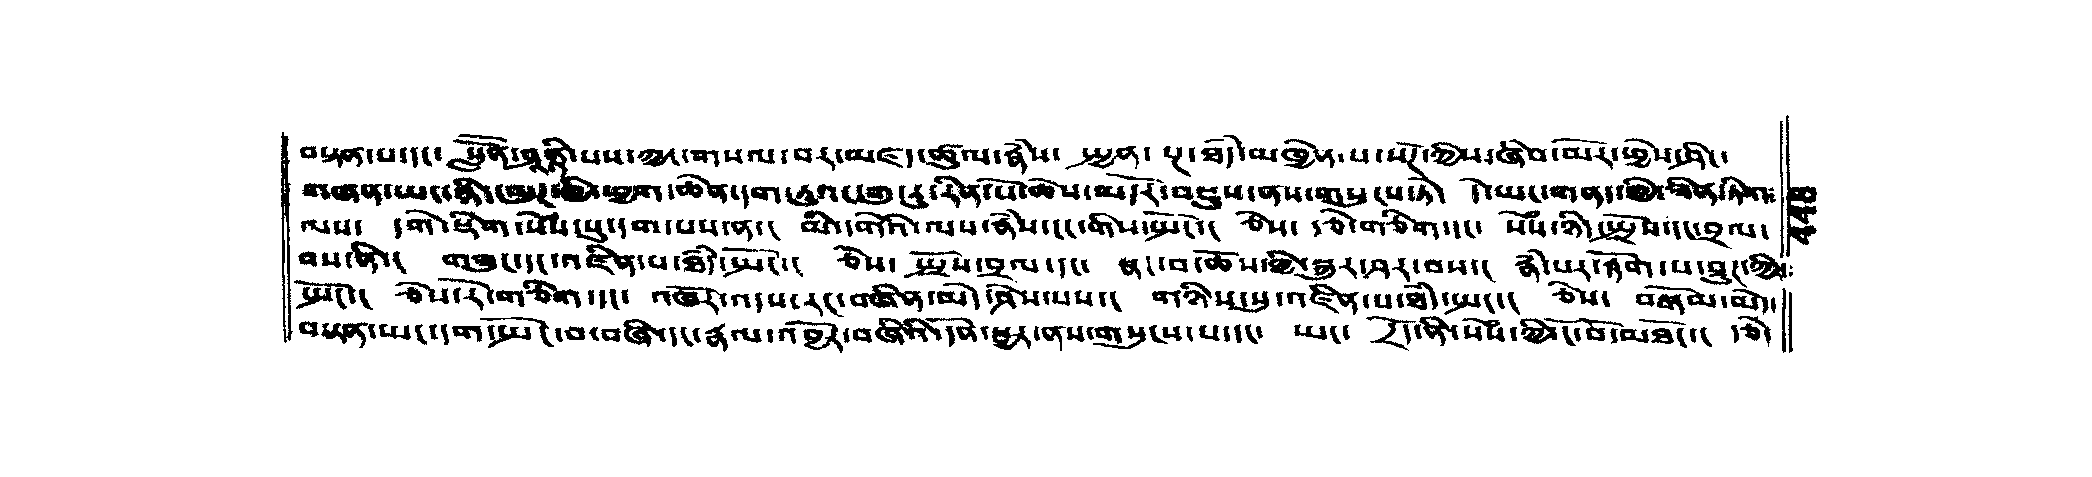བསྟན་པ་དང་། སློབ་དཔོན་ཤཱནྟི་པས་ཀྱང་གསལ་བར་མཛད་ཚུལ་རྣམས། སྤྱན་སྔ་ཐམས་ཅད་མཁྱེན་པ་སོགས་ཀྱིས་ཞིབ་མོར་ཕྱེས་ཤིང་། 
གཞན་ཡང་རྙིང་ལུགས་ཀྱི་ཕྱག་ཆེན་དག་ཏུའང་གུ་རུ་རིན་པོ་ཆེས་མདོར་བསྡུས་ནས་གསུངས་ཏེ། དེ་ཡང་གནད་ཀྱི་ཟིན་ཏིག་
ལས། དགེ་སྡིག་སེམས་སུ་དག་པས་ན། །མི་དགེའི་ལས་རྣམས་ངང་གིས་སྤོང་། ཞེས་རྩེ་གཅིག་དང་། སེམས་ཉིད་སྤྲོས་དང་བྲལ་
བས་ནི། །གཟུང་དང་འཛིན་པ་ཐམས་ཅད་སྤོང་། ཞེས་སྤྲོས་བྲལ་དང་། སྣང་བ་ཆོས་ཀྱི་སྐུར་ཤར་བས། །རྣམ་པར་རྟོག་པ་ཤུགས་ཀྱི་
སྤོང་། ཞེས་རོ་གཅིག་དང་། འཁོར་འདས་རང་བཞིན་མེད་ཤེས་པས། །གཉིས་སུ་འཛིན་པ་ཐམས་ཅད་སྤང་། ཞེས་བསྒོམ་མེད་
བསྟན། ཡང་དག་སྤོང་བ་བཞི་དང་རྣལ་འབྱོར་བཞིའི་དོན་སྦྱར་ནས་གསུངས་པ་དང་། ཡང་། དྲོད་ནི་སེམས་ཀྱི་ངོ་བོ་མཐོང་། །རྩེ་